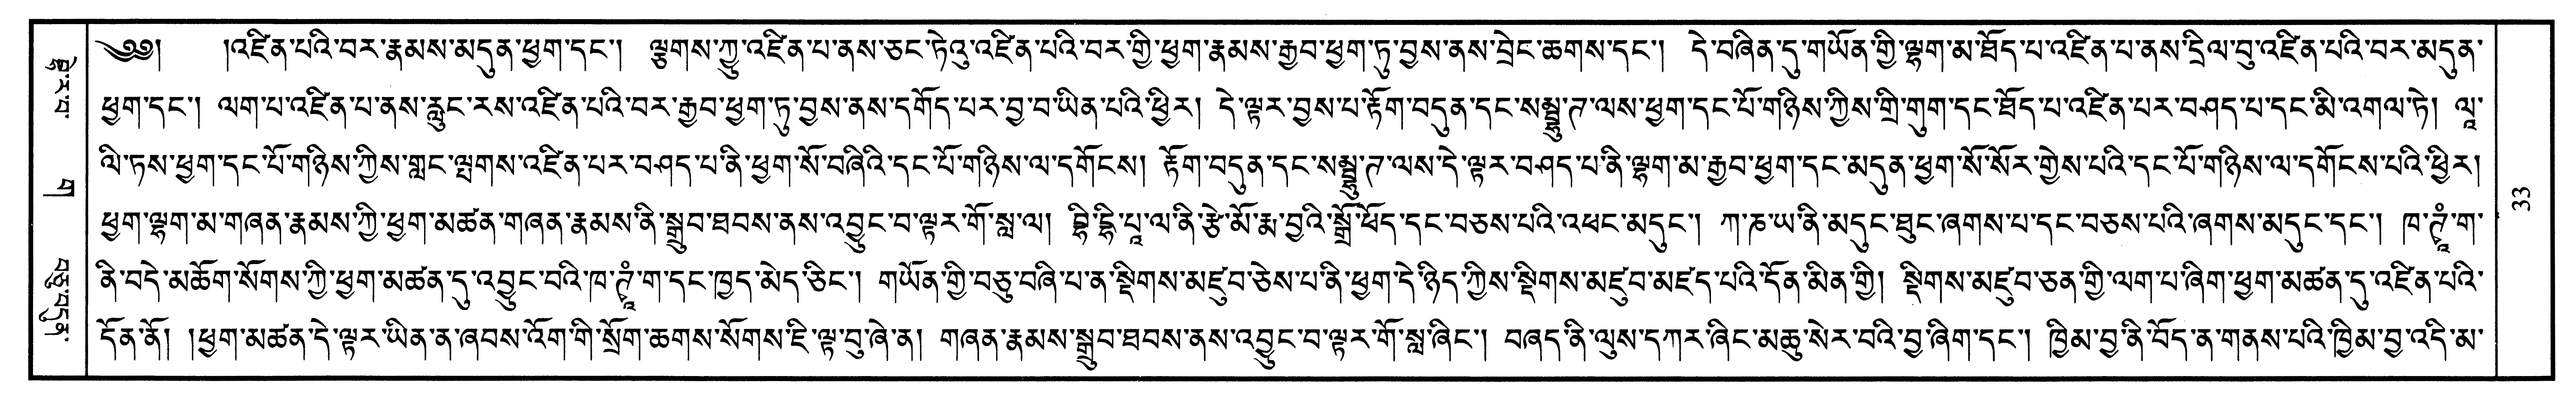༄༅། །འཛིན་པའི་བར་རྣམས་མདུན་ཕྱག་དང་། ལྕགས་ཀྱུ་འཛིན་པ་ནས་ཅང་ཏེའུ་འཛིན་པའི་བར་གྱི་ཕྱག་རྣམས་རྒྱབ་ཕྱག་ཏུ་བྱས་ནས་བྲེང་ཆགས་དང་། དེ་བཞིན་དུ་གཡོན་གྱི་ལྷག་མ་ཐོད་པ་འཛིན་པ་ནས་དྲིལ་བུ་འཛིན་པའི་བར་མདུན་
ཕྱག་དང་། ལག་པ་འཛིན་པ་ནས་རླུང་རས་འཛིན་པའི་བར་རྒྱབ་ཕྱག་ཏུ་བྱས་ནས་དགོད་པར་བྱ་བ་ཡིན་པའི་ཕྱིར། དེ་ལྟར་བྱས་པ་རྟོག་བདུན་དང་སམྦྷུ་ཊ་ལས་ཕྱག་དང་པོ་གཉིས་ཀྱིས་གྲི་གུག་དང་ཐོད་པ་འཛིན་པར་བཤད་པ་དང་མི་འགལ་ཏེ། ལཱ་
ལི་ཏས་ཕྱག་དང་པོ་གཉིས་ཀྱིས་གླང་ལྤགས་འཛིན་པར་བཤད་པ་ནི་ཕྱག་སོ་བཞིའི་དང་པོ་གཉིས་ལ་དགོངས། རྟོག་བདུན་དང་སམྦྷུ་ཊ་ལས་དེ་ལྟར་བཤད་པ་ནི་ལྷག་མ་རྒྱབ་ཕྱག་དང་མདུན་ཕྱག་སོ་སོར་གྱེས་པའི་དང་པོ་གཉིས་ལ་དགོངས་པའི་ཕྱིར།
ཕྱག་ལྷག་མ་གཞན་རྣམས་ཀྱི་ཕྱག་མཚན་གཞན་རྣམས་ནི་སྒྲུབ་ཐབས་ནས་འབྱུང་བ་ལྟར་གོ་སླ་ལ། བྷི་དྷི་པཱ་ལ་ནི་རྩེ་མོ་རྨ་བྱའི་སྒྲོ་ཕོད་དང་བཅས་པའི་འཕང་མདུང་། ཀ་ཎ་ཡ་ནི་མདུང་ཐུང་ཞགས་པ་དང་བཅས་པའི་ཞགས་མདུང་དང་། ཁ་ཊྭཱཾ་ག་
ནི་བདེ་མཆོག་སོགས་ཀྱི་ཕྱག་མཚན་དུ་འབྱུང་བའི་ཁ་ཊྭཱཾ་ག་དང་ཁྱད་མེད་ཅིང་། གཡོན་གྱི་བཅུ་བཞི་པ་ན་སྡིགས་མཛུབ་ཅེས་པ་ནི་ཕྱག་དེ་ཉིད་ཀྱིས་སྡིགས་མཛུབ་མཛད་པའི་དོན་མིན་གྱི། སྡིགས་མཛུབ་ཅན་གྱི་ལག་པ་ཞིག་ཕྱག་མཚན་དུ་འཛིན་པའི་
དོན་ནོ། །ཕྱག་མཚན་དེ་ལྟར་ཡིན་ན་ཞབས་འོག་གི་སྲོག་ཆགས་སོགས་ཇི་ལྟ་བུ་ཞེ་ན། གཞན་རྣམས་སྒྲུབ་ཐབས་ནས་འབྱུང་བ་ལྟར་གོ་སླ་ཞིང་། བཞད་ནི་ལུས་དཀར་ཞིང་མཆུ་སེར་བའི་བྱ་ཞིག་དང་། ཁྱིམ་བྱ་ནི་བོད་ན་གནས་པའི་ཁྱིམ་བྱ་འདི་མ་